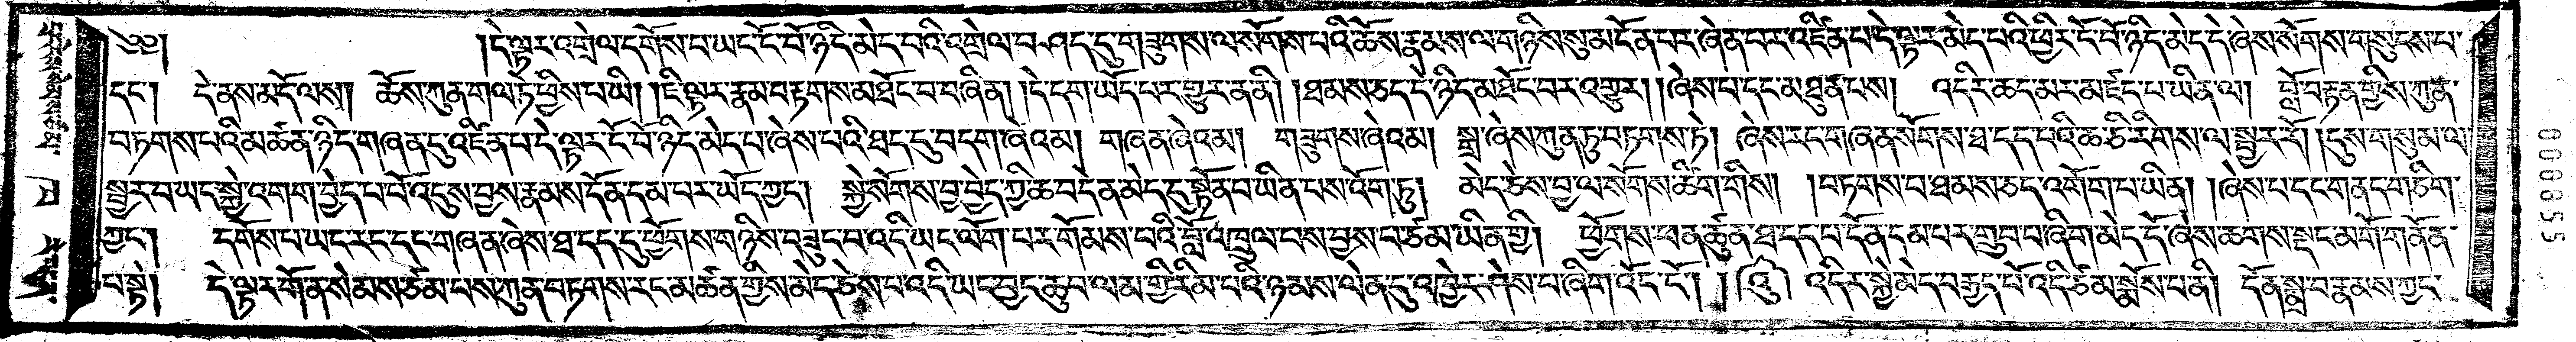༄༅། །དེ་ལྟར་འགྲེལ་དགོས་པ་ཡང་ངོ་བོ་ཉིད་མེད་པའི་འགྲེལ་བཤད་དུ་གཟུགས་ལ་སོགས་པའི་ཆོས་རྣམས་ལ་གཉིས་སུ་མངོན་པར་ཞེན་པར་འཛིན་པ་དེ་ལྟར་མེད་པའི་ཕྱིར་ངོ་བོ་ཉིད་མེད་དེ་ཞེས་སོགས་གསུངས་པ་
དང་། དེ་ནས་མདོ་ལས། ཆོས་ཀུན་གལ་ཏེ་ཕྱིས་པ་ཡི། །ཇི་ལྟར་རྣམ་བརྟགས་མཐོང་བ་བཞིན། །དེ་དག་ཡོད་པར་གྱུར་ན་ནི། །ཐམས་ཅད་དེ་ཉིད་མཐོང་བར་འགྱུར། །ཞེས་པ་དང་མཐུན་པས། འདིར་ཚད་མར་མཛད་པ་ཡིན་ལ། བློ་བརྟན་གྱིས་ཀུན་
བཏགས་པའི་མཚན་ཉིད་གཞན་དུ་འཛིན་པ་དེ་ལྟར་ངོ་བོ་ཉིད་མེད་པ་ཞེས་པའི་ཐད་དུ་བདག་ཅེའམ། གཞན་ཞེའམ། གཟུགས་ཞེའམ། སྒྲ་ཞེས་ཀུན་ཏུ་བཏགས་ཏེ། ཞེས་རང་གཞན་སོགས་ཐ་དད་པའི་ཆ་ཅི་རིགས་ལ་སྦྱར་རོ། །དུས་གསུམ་ལ་
སྦྱར་བ་ཡང་སྐྱེ་འགག་བྱེད་པ་པོ་འདུས་བྱས་རྣམས་དོན་དམ་པར་ཡོད་ཀྱང་། སྐྱེ་སོགས་བྱ་བྱེད་ཀྱི་ཆ་བདེན་མེད་དུ་སྟོན་པ་ཡིན་པས་འོག་ཏུ། མེད་ཅེས་བྱ་ལ་སོགས་ཚིག་གིས། །བཏགས་པ་ཐམས་ཅད་འགོག་པ་ཡིན། །ཞེས་པ་དང་གནད་གཅིག་
ཀྱང་། དགོས་པ་ཡང་རང་དང་གཞན་ཞེས་ཐ་དད་དུ་ཕྱོགས་གཉིས་བཟུང་བ་འདི་ཡང་ལོག་པར་གོམས་པའི་བློ་འཁྲུལ་པས་བྱས་པ་ཙམ་ཡིན་གྱི། ཕྱོགས་ཕན་ཚུན་ཐ་དད་པ་དོན་དམ་པར་གྲུབ་པ་ཞིག་མེད་དོ་ཞེས་ཆགས་སྡང་མགོ་གནོན་
པ་སྟེ། དེ་ལྟར་གོ་ན་སེམས་ཙམ་པས་ཀུན་བཏགས་རང་མཚན་གྱིས་མེད་ཅེས་པ་འདི་ཡང་བྱང་ཆུབ་ལམ་གྱི་རིམ་པའི་ཉམས་ལེན་དུ་འཁྱེར་ཤེས་པ་ཞིག་འོང་ངོ།། ༼འུ༽ འདིར་སྐྱེ་མེད་བརྒྱད་པོ་འདི་ཙམ་སྨོས་པ་ནི། དོན་སྨྲ་བ་རྣམས་ཀྱང་